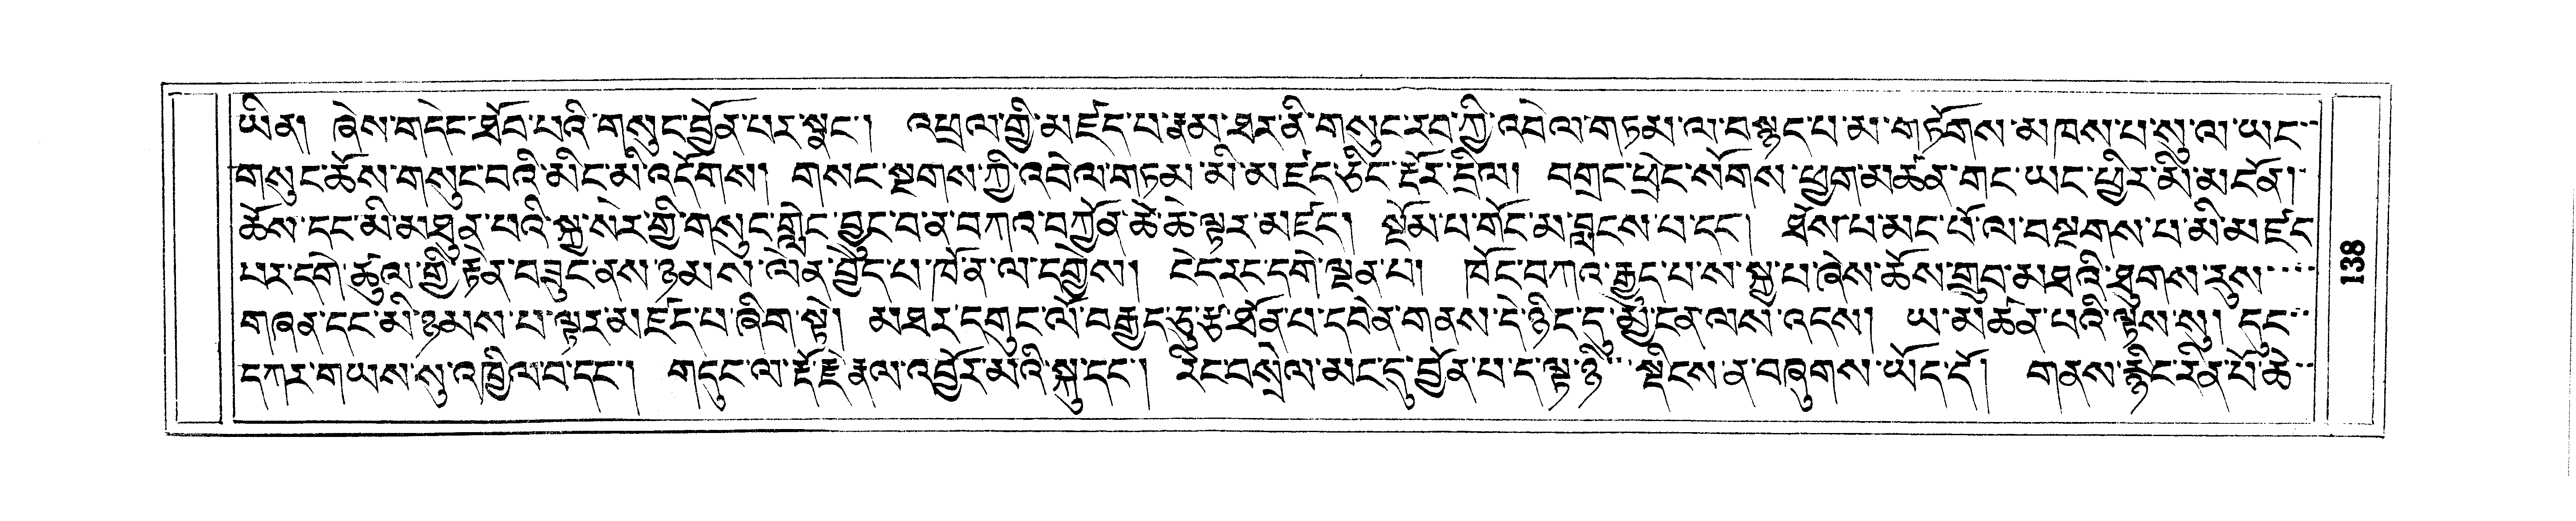ཡིན། ཞེས་གདེང་ཐོབ་པའི་གསུང་བྱོན་པར་སྣང་། འཕྲལ་གྱི་མཛད་པ་རྣམ་ཐར་ནི་གསུང་རབ་ཀྱི་འབེལ་གཏམ་ལ་བསྙད་པ་མ་གཏོགས་མཁས་པ་སུ་ལ་ཡང་
གསུང་ཆོས་གསུངས་བའི་མིང་མི་འདོགས། གསང་སྔགས་ཀྱི་འབེལ་གཏམ་མི་མཛད་ཅིང་རྡོར་དྲིལ། བགྲང་ཕྲེང་སོགས་ཕྱག་མཚན་གང་ཡང་ཕྱིར་མི་མངོན།
ཆོས་དང་མི་མཐུན་པའི་སྐྱ་སེར་གྱི་གསུང་གླེང་བྱུང་བ་ན་བཀའ་བཀྱོན་ཆེ་ཆེ་ལྟར་མཛད། སྔོམ་པ་གོང་མ་བླངས་པ་དང་། ཐོས་པ་མང་པོ་ལ་བསྔགས་པ་མི་མཛད་
པར་དགེ་ཚུལ་གྱི་རྟེན་བཟུང་ནས་ཉམས་ལེན་བྱེད་པ་ཁོ་ན་ལ་དགྱེས། ངེད་རང་དགེ་ལྡན་པ། ཁོང་བཀའ་རྒྱུད་པ་ས་སྐྱ་པ་ཞེས་ཆོས་གྲུབ་མཐའི་ཐུགས་རུས་
གཞན་དང་མི་ཉམས་པ་ལྟར་མཛད་པ་ཞིག་སྟེ། མཐར་དགུང་ལོ་བརྒྱད་ཅུ་རྩ་ཐོན་པ་དབེན་གནས་དེ་ཉིད་དུ་མྱ་ངན་ལས་འདས། ཡ་མཚན་པའི་ལྟས་སུ། དུང་
དཀར་གཡས་སུ་འཁྱིལ་བ་དང་། གདུང་ལ་རྡོ་རྗེ་རྣལ་འབྱོར་མའི་སྐུ་དང་། རིང་བསྲེལ་མང་དུ་བྱོན་པ་ད་ལྟ་ཉི་སྡིངས་ན་བཞུགས་ཡོད་དོ། གནས་རྙིང་རིན་པོ་ཆེ་